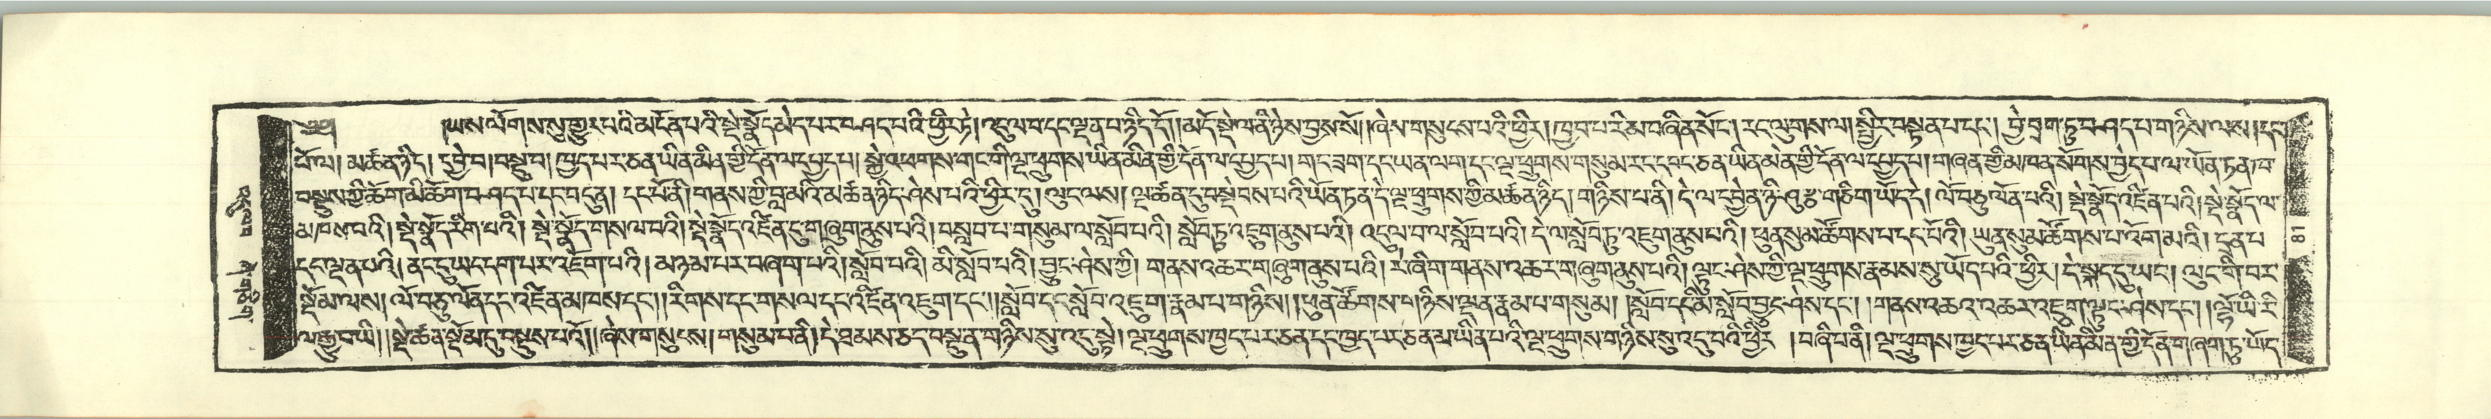༄༅། །ཡས་ལོགས་སུ་གྱུར་པའི་མངོན་པའི་སྡེ་སྣོད་མེད་པར་བཤད་པའི་ཕྱིར་ཏེ། འདུལ་བ་དང་ལྡན་པ་ཉིད་དོ། །མདོ་སྡེ་ལ་ནི་ཉེས་བྱས་སོ། །ཞེས་གསུངས་པའི་ཕྱིར། ཁྱབ་པ་རིམ་བཞིན་སོང་། རང་ལུགས་ལ། སྤྱིར་བསྟན་པ་དང་། བྱེ་བྲག་ཏུ་བཤད་པ་གཉིས་ལས། དང་
པོ་ལ། མཚན་ཉིད། དབྱེ་བ། བསྡུ་བ། ཁྱད་པར་ཅན་ཡིན་མིན་གྱི་དོན་ལ་དཔྱད་པ། སྐྱེ་འཕགས་གང་གི་ལྔ་ཕྲུགས་ཡིན་མིན་གྱི་དོན་ལ་དཔྱད་པ། གང་ཟག་དང་ཡན་ལག་དང་ལྔ་ཕྲུགས་གསུམ་རང་དབང་ཅན་ཡིན་མིན་གྱི་དོན་ལ་དཔྱད་པ། གཞན་གྱི་མཁན་སོགས་བྱེད་པ་ལ་ཡོན་ཏན་ཁ་
བསྡུས་ཀྱི་ཆོག་མི་ཆོག་བཤད་པ་དང་བདུན། དང་པོ་ནི། གནས་ཀྱི་བླ་མའི་མཚན་ཉིད་ཤེས་པའི་ཕྱིར་དུ། ལུང་ལས། ལྔ་ཚན་དུ་བསྡེབས་པའི་ཡོན་ཏན་དེ་ལྔ་ཕྲུགས་ཀྱི་མཚན་ཉིད། གཉིས་པ་ནི། དེ་ལ་དབྱེ་ན་ཉི་ཤུ་རྩ་གཅིག་ཡོད་དེ། ལོ་བཅུ་ལོན་པའི། སྡེ་སྣོད་འཛིན་པའི། སྡེ་སྣོད་ལ་
མཁས་པའི། སྡེ་སྣོད་རིག་པའི། སྡེ་སྣོད་གསལ་བའི། སྡེ་སྣོད་འཛིན་དུ་གཞུག་ནུས་པའི། བསླབ་པ་གསུམ་ལ་སློབ་པའི། སློབ་ཏུ་འཇུག་ནུས་པའི། འདུལ་བ་ལ་སློབ་པའི། དེ་ལ་སློབ་ཏུ་འཇུག་ནུས་པའི། ཕུན་སུམ་ཚོགས་པ་དང་པོའི། ཡུན་སུམ་ཚོགས་པ་འོག་མའི། དྲན་པ་
དང་ལྡན་པའི། ནང་དུ་ཡང་དག་པར་འཇོག་པའི། མཉམ་པར་བཞག་པའི། སློབ་པའི། མི་སློབ་པའི། བྱུང་ཤེས་ཀྱི། གནས་འཆར་གཞུག་ནུས་པའི། རེ་ཞིག་གནས་འཆར་གཞུག་ནུས་པའི། ལྟུང་ཤེས་ཀྱི་ལྔ་ཕྲུགས་རྣམས་སུ་ཡོད་པའི་ཕྱིར། དེ་སྐད་དུ་ཡང་། ལུང་གི་བར་
སྡོམ་ལས། ལོ་བཅུ་ལོན་དང་འཛིན་མཁས་དང་། །རིགས་དང་གསལ་དང་འཛིན་འཇུག་དང་། །སློབ་དང་སློབ་འཇུག་རྣམ་པ་གཉིས། །ཕུན་ཚོགས་གཉིས་ལྡན་རྣམ་པ་གསུམ། །སློབ་དང་མི་སློབ་བྱུང་ཤེས་དང་། །གནས་འཆའ་འཆར་འཇུག་ལྟུང་ཤེས་དང་། །ལྷོ་ཡི་རི་
ལ་རྒྱུ་བ་ཡི། །སྡེ་ཚན་སྡོམ་དུ་བསྡུས་པའོ། །ཞེས་གསུངས། གསུམ་པ་ནི། དེ་ཐམས་ཅད་བསྡུ་ན་གཉིས་སུ་འདུ་སྟེ། ལྔ་ཕྲུགས་ཁྱད་པར་ཅན་དང་ཁྱད་པར་ཅན་མ་ཡིན་པའི་ལྔ་ཕྲུགས་གཉིས་སུ་འདུ་བའི་ཕྱིར་།བཞི་པ་ནི། ལྔ་ཕྲུགས་ཁྱད་པར་ཅན་ཡིན་མིན་གྱི་དོན་གཞག་ཏུ་ཡོད་